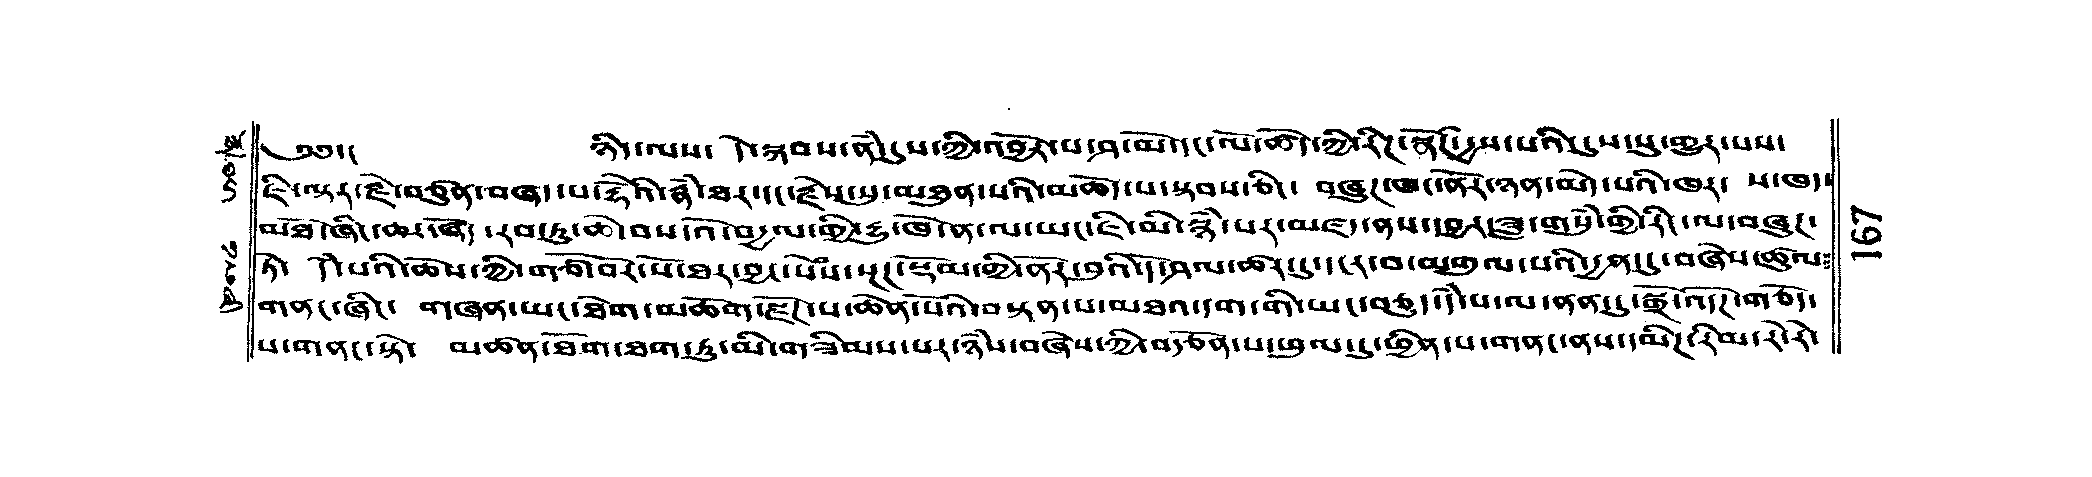ཉིད་ལས། དེ་སྐབས་ནམ་དུས་ཀྱི་འབྱོར་པ་ཤ་མོ་དང་ལོ་ཚོད་ཀྱི་རིགས་སྣ་ཚོགས་རྒྱས་པའི་དུས་སུ་གྱུར་པས་
ཇི་ལྟར་རྗེ་བཙུན་བཞད་པ་རྡོ་རྗེའི་རྣམ་ཐར་དང་རྗེས་སུ་མཐུན་པའི་མཆོད་པ་སྟབས་ཤིང་། བཞུགས་ཁང་ནོར་ཉན་མེད་པའི་ཁར། ས་ཁད་
མཐོ་ཞིང་ཆར་ཞོད་རབ་ཏུ་ཆེ་བས་འོ་བརྒྱལ་གྱི་རྒྱུ་ཁོ་ན་ལ་ཡང་ཇི་མི་སྙམ་པར་མཛད་ནས་དབྱར་ཟླ་གསུམ་གྱི་རིང་ལ་བཞུགས་
ཏེ། དམ་པའི་ཆོས་ཀྱི་གཙོ་བོར་སོ་ཐར་བྱང་སེམས་སྔགས་སྡོམ་གྱི་ནོར་བུའི་དོ་ཤལ་ཚར་དུ་དངར་བ་མགུལ་པའི་རྒྱན་དུ་བཞེས་ཚུལ་
གནང་ཞིང་། གཞན་ཡང་ཐེག་མཆོག་རྫོགས་པ་ཆེན་པོའི་བསྟན་པ་མཐའ་དག་གི་ཡང་བཅུད་དམ་པ་ལ་ནན་དུ་སྒྲོ་འདོགས་གཅོད་
པ་གནང་སྟེ། མཚན་ཐོག་ཐག་ཏུ་མི་གཟིམས་པར་ཉམས་བཞེས་ཀྱི་བརྩོན་པ་ཕུལ་དུ་ཕྱིན་པ་གནང་ནས་དམིགས་རིམ་རེ་རེ་